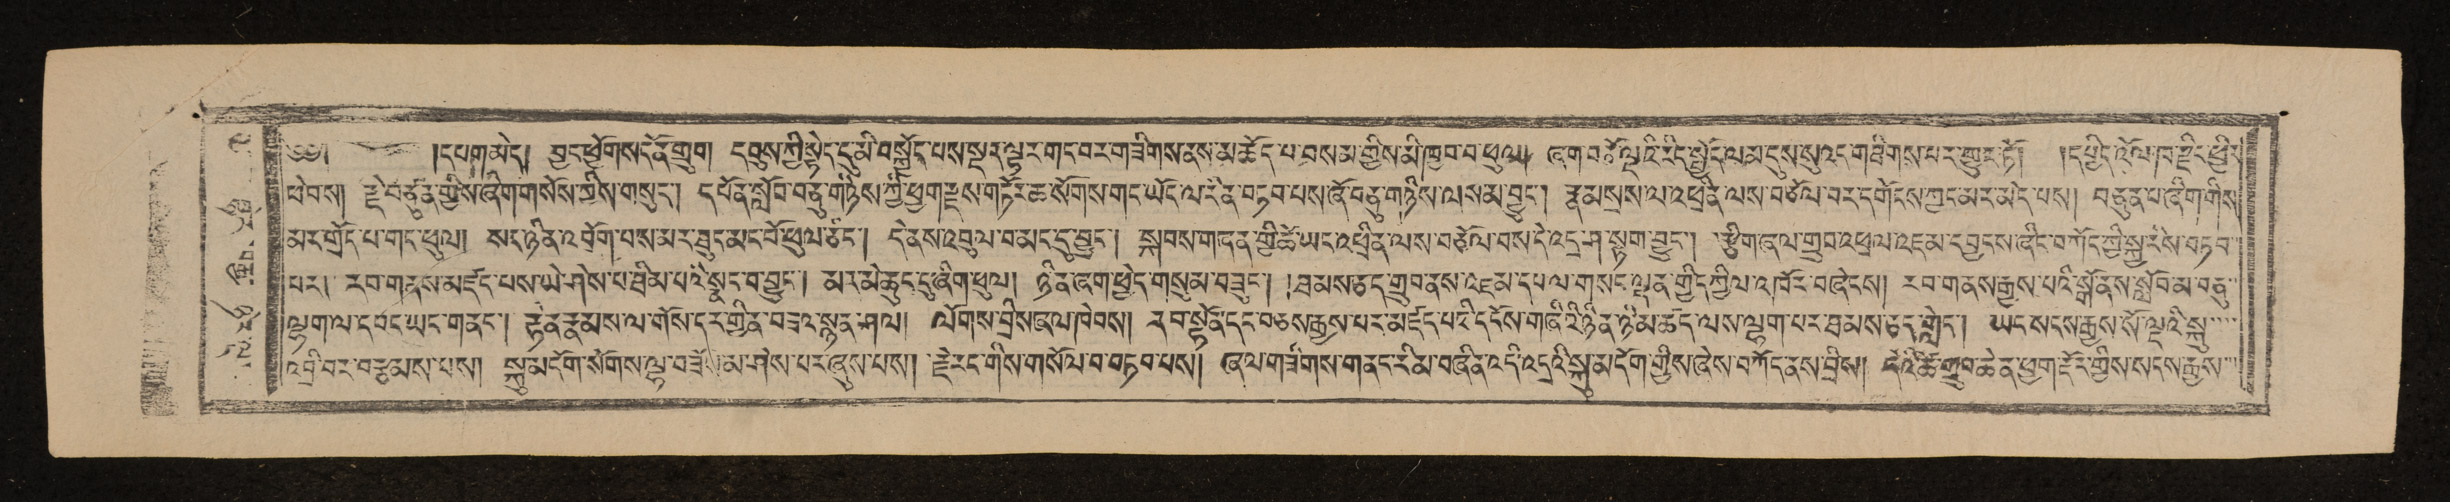༄༅། །དཔག་མེད། བྱང་ཕྱོགས་དོན་གྲུབ། དབུས་ཀྱི་སྟེང་དུ་མི་བསྐྱོད་པས་སྔར་ལྟར་གང་བར་གཟིགས་ནས་མཆོད་པ་བསམ་གྱིས་མི་ཁྱབ་པ་ཕུལ། ཞག་བཅོ་ལྔའི་རིང་སྤྱོད་ལམ་དུས་སུའང་གཟིགས་པར་གྱུར་ཏོ། །དཔྱིད་འོལ་ཁ་རྫིང་ཕྱིར་
ཕེབས། རྗེ་བཙུན་གྱིས་ཞིག་གསོས་ཀྱིས་གསུང་། དཔོན་སློབ་བཅུ་གཉིས་ཀྱི་ཕྱག་རྫས་གཏོར་ཆ་སོགས་གང་ཡོད་ལ་རིན་བཏབ་པས་ཞོ་བཅུ་གཉིས་ལས་མ་བྱུང་། རྣམ་སྲས་ལ་འཕྲིན་ལས་བཅོལ་བར་དགོངས་ཀྱང་མར་མེད་པས། བཙུན་པ་ཞིག་གིས་
མར་གྲོད་པ་གང་ཕུལ། སང་ཉིན་འབྲོག་པས་མར་ཐུད་མང་པོ་ཕུལ་ཅིང་། དེ་ནས་འབུལ་བ་མང་དུ་བྱུང་། སྐབས་གཞན་གྱི་ཚེ་ཡང་འཕྲིན་ལས་བཅོལ་བས་དེ་འདྲ་ཤ་སྟག་བྱུང་། རྩི་གཞལ་གྲུབ་འཕྲལ་འཇམ་དབྱངས་ཞིང་བཀོད་ཀྱི་སྐྱ་རིས་བཏབ་
པར༑ རབ་གནས་མཛད་པས་ཡེ་ཤེས་པ་ཐིམ་པའི་སྣང་བ་བྱུང་། མར་མེ་ཆུང་ངུ་ཞིག་ཕུལ། ཉིན་ཞག་ཕྱེད་གསུམ་བཟུང་། ཐམས་ཅད་གྲུབ་ནས་འཇམ་དཔལ་གསང་ལྡན་གྱི་དཀྱིལ་འཁོར་བཞེངས། རབ་གནས་རྒྱས་པའི་སྒོ་ནས་སློབ་མ་བཅུ་
ལྷག་ལ་དབང་ཡང་གནང་། རྟེན་རྣམས་ལ་གོས་དར་གྱི་ན་བཟའ་སྙན་ཤལ། ལོགས་བྲིས་ཞལ་ཁེབས། རབ་སྟོན་དང་བཅས་རྒྱས་པར་མཛད་པའི་དངོས་གཞིའི་ཉིན་ཉི་མཚང་ལས་ལྷག་པར་ཐམས་ཅད་གླེང་། ཡང་སངས་རྒྱས་སོ་ལྔའི་སྐུ་
འབྲི་བར་བརྩམས་པས། སྐུ་མདོག་སོགས་ལྷ་བཟོས་མ་ཤེས་པར་ཞུས་པས། རྗེ་རང་གིས་གསོལ་བ་བཏབ་པས། ཞལ་གཟིགས་གནང་རིམ་བཞིན་འདི་འདྲའི་སྐུ་མདོག་གྱིས་ཞེས་བཀོད་ནས་བྲིས། དེའི་ཚེ་གྲུབ་ཆེན་ཕྱག་རྡོར་གྱིས་སངས་རྒྱས་